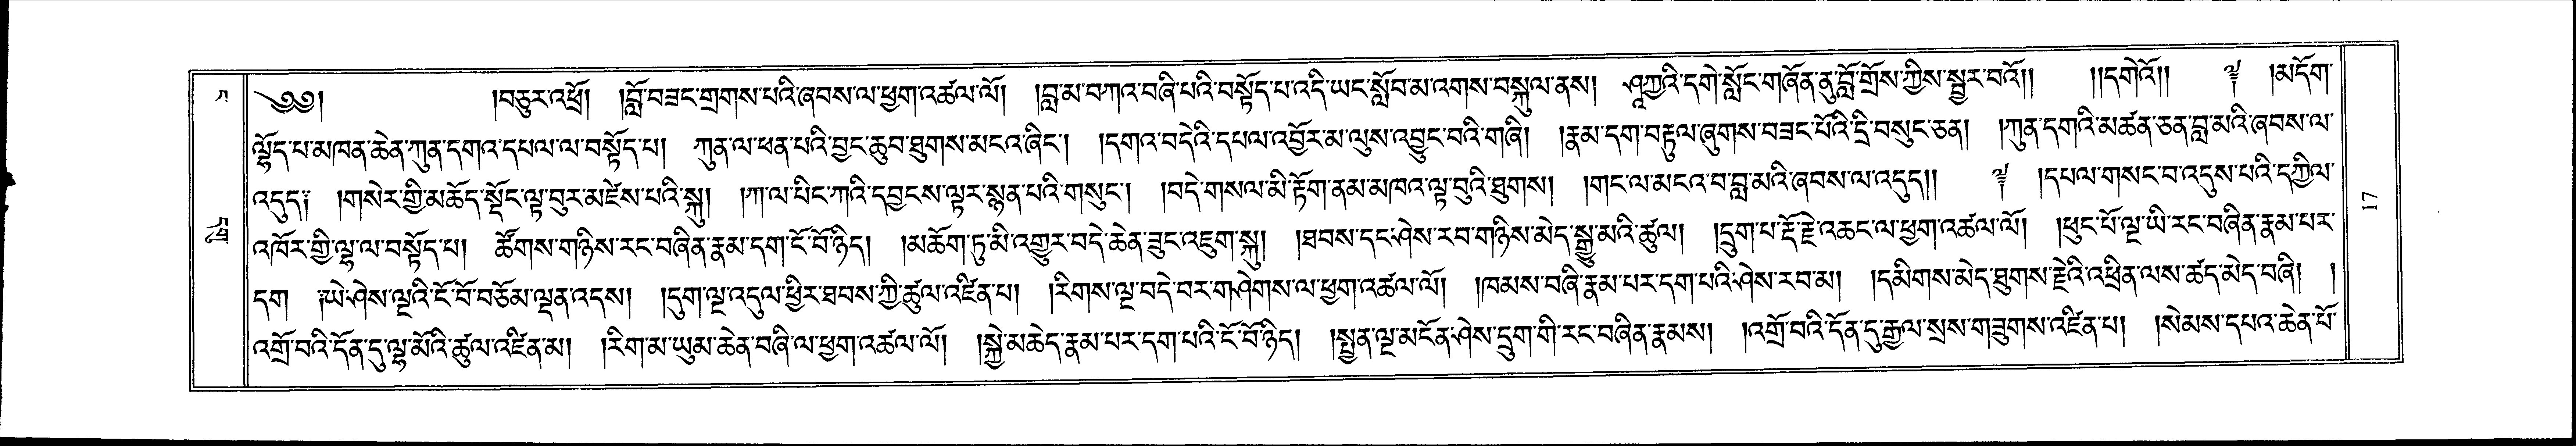༄༅། །བཅུར་འཕྲོ། །བློ་བཟང་གྲགས་པའི་ཞབས་ལ་ཕྱག་འཚལ་ལོ། །བླ་མ་བཀའ་བཞི་པའི་བསྟོད་པ་འདི་ཡང་སློབ་མ་འགས་བསྐུལ་ནས། ཤཱཀྱའི་དགེ་སློང་གཞོན་ནུ་བློ་གྲོས་ཀྱིས་སྦྱར་བའོ།། །།དགེའོ།། ༈ །མདོག་
ལྷོད་པ་མཁན་ཆེན་ཀུན་དགའ་དཔལ་ལ་བསྟོད་པ། །ཀུན་ལ་ཕན་པའི་བྱང་ཆུབ་ཐུགས་མངའ་ཞིང་། །དགའ་བདེའི་དཔལ་འབྱོར་མ་ལུས་འབྱུང་བའི་གཞི། །རྣམ་དག་བརྟུལ་ཞུགས་བཟང་པོའི་དྲི་བསུང་ཅན། །ཀུན་དགའི་མཚན་ཅན་བླ་མའི་ཞབས་ལ་
འདུད། །གསེར་གྱི་མཆོད་སྡོང་ལྟ་བུར་མཛེས་པའི་སྐུ། །ཀ་ལ་པིང་ཀའི་དབྱངས་ལྟར་སྙན་པའི་གསུང་། །བདེ་གསལ་མི་རྟོག་ནམ་མཁའ་ལྟ་བུའི་ཐུགས། །གང་ལ་མངའ་བ་བླ་མའི་ཞབས་ལ་འདུད།། ༈ །དཔལ་གསང་བ་འདུས་པའི་དཀྱིལ་
འཁོར་གྱི་ལྷ་ལ་བསྟོད་པ། ཚོགས་གཉིས་རང་བཞིན་རྣམ་དག་ངོ་བོ་ཉིད། །མཆོག་ཏུ་མི་འགྱུར་བདེ་ཆེན་ཟུང་འཇུག་སྐུ། །ཐབས་དང་ཤེས་རབ་གཉིས་མེད་སྒྱུ་མའི་ཚུལ། །དྲུག་པ་རྡོ་རྗེ་འཆང་ལ་ཕྱག་འཚལ་ལོ། །ཕུང་པོ་ལྔ་ཡི་རང་བཞིན་རྣམ་པར་
དག །ཡེ་ཤེས་ལྔའི་ངོ་བོ་བཅོམ་ལྡན་འདས། །དུག་ལྔ་འདུལ་ཕྱིར་ཐབས་ཀྱི་ཚུལ་འཛིན་པ། །རིགས་ལྔ་བདེ་བར་གཤེགས་ལ་ཕྱག་འཚལ་ལོ། །ཁམས་བཞི་རྣམ་པར་དག་པའི་ཤེས་རབ་མ། །དམིགས་མེད་ཐུགས་རྗེའི་འཕྲིན་ལས་ཚད་མེད་བཞི།།
འགྲོ་བའི་དོན་དུ་ལྷ་མོའི་ཚུལ་འཛིན་མ། །རིག་མ་ཡུམ་ཆེན་བཞི་ལ་ཕྱག་འཚལ་ལོ། །སྐྱེ་མཆེད་རྣམ་པར་དག་པའི་ངོ་བོ་ཉིད། །སྤྱན་ལྔ་མངོན་ཤེས་དྲུག་གི་རང་བཞིན་རྣམས། །འགྲོ་བའི་དོན་དུ་རྒྱལ་སྲས་གཟུགས་འཛིན་པ། །སེམས་དཔའ་ཆེན་པོ་